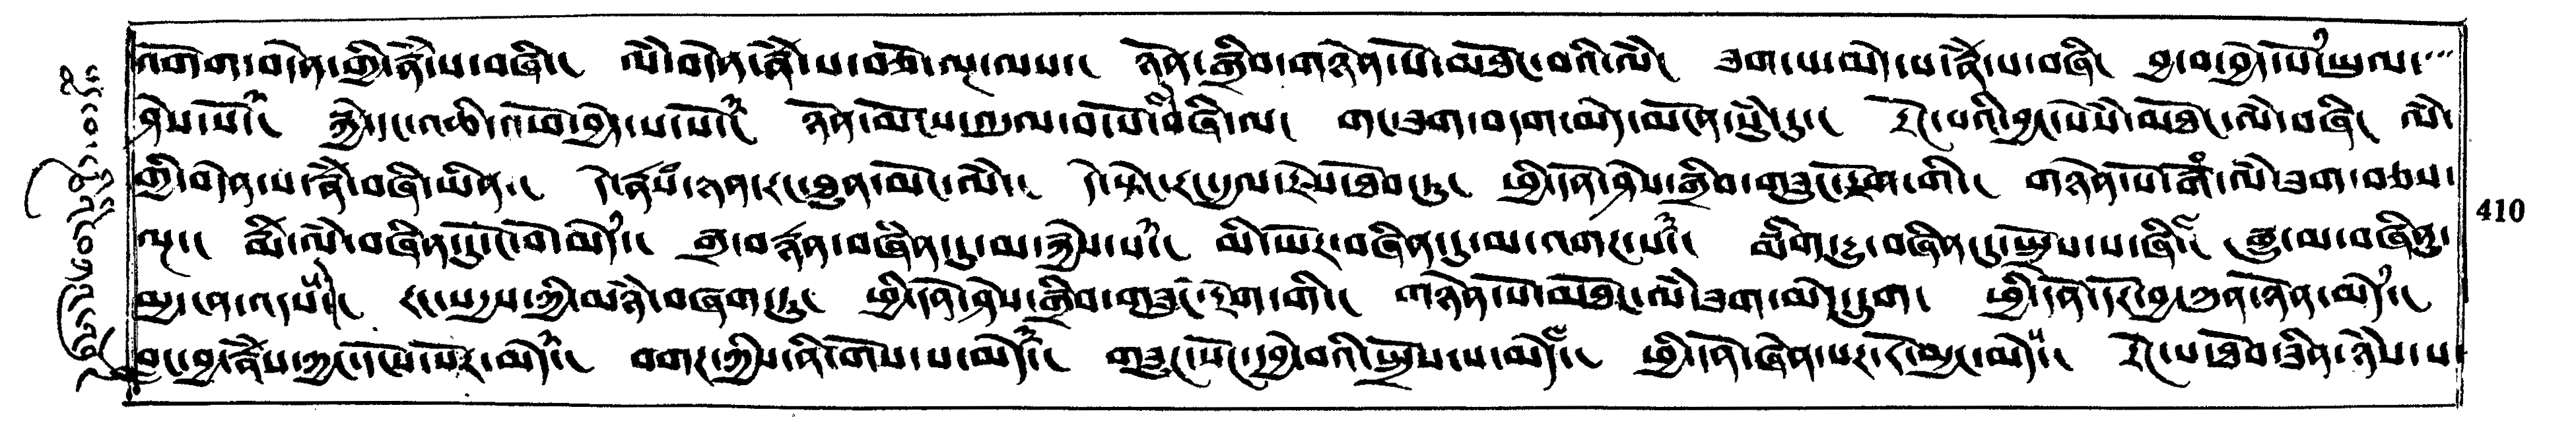འགོག་བདེན་གྱི་ནི་རྣམ་པ་བཞི། །ལམ་བདེན་རྣམ་པ་བཅོ་ལྔ་ལས། །ཉོན་སྒྲིབ་གཉེན་པོ་མཐོང་བའི་ལམ། །ཟག་པ་མེད་པ་རྣམ་པ་བཞི། །བྱ་བ་བྱེད་པོ་ཡུལ་
ཤེས་སོ། །སྐྱེ་དང་འཆི་འཕོ་བྱེད་པ་པོ། །ཉོན་མོངས་འདུལ་བ་པོ་བཞི་ལ། །གང་ཟག་བདག་མེད་མངོན་སུམ་དུ། །རྟོགས་པའི་བྱང་སེམས་མཐོང་ལམ་བཞི། །ལམ་
གྱི་བདེན་པ་རྣམ་བཞི་ཡིན། །དེ་རྣམས་ཉན་རང་ཐུན་མོང་ལམ། །དེ་སྟེང་རང་རྒྱལ་རྗེས་ཐོབ་ཏུ། །ཕྱི་དོན་ཤེས་སྒྲིབ་གཟུང་རྟོག་གི། །གཉེན་པོ་སྒོམ་ལམ་ཟག་བཅས་
ལྔ། །རྨི་ལམ་བཞིན་དུ་ངོ་བོ་མེད། །སྒྲ་བརྙན་བཞིན་དུ་མ་སྐྱེས་པ། །མིག་ཡོར་བཞིན་དུ་མ་འགགས་པ། །སྨིག་རྒྱུ་བཞིན་དུ་སྤྲོས་པ་ཞི། །སྒྱུ་མ་བཞིན་དུ་
མྱ་ངན་འདས། །རང་སངས་རྒྱས་ཀྱི་མཉམ་བཞག་ཏུ། །ཕྱི་དོན་ཤེས་སྒྲིབ་གཟུང་རྟོག་གི། །གཉེན་པོ་མཐོང་ལམ་ཟག་མེད་དྲུག །ཕྱི་དོན་དོར་བྱ་ཀུན་ཉོན་མེད། །
བླང་བྱ་རྣམས་ཀྱང་དངོས་པོར་མེད། །བག་ཆགས་ཀྱིས་ནི་གོས་པ་མེད། །གཟུགས་སོགས་དབྱེ་བའི་སྤྲོས་པ་མེད། །ཕྱི་དོན་ཞེན་པར་རོ་མྱང་མེད། །རྟོགས་པ་ཐོབ་ཟིན་ཉམས་པ་